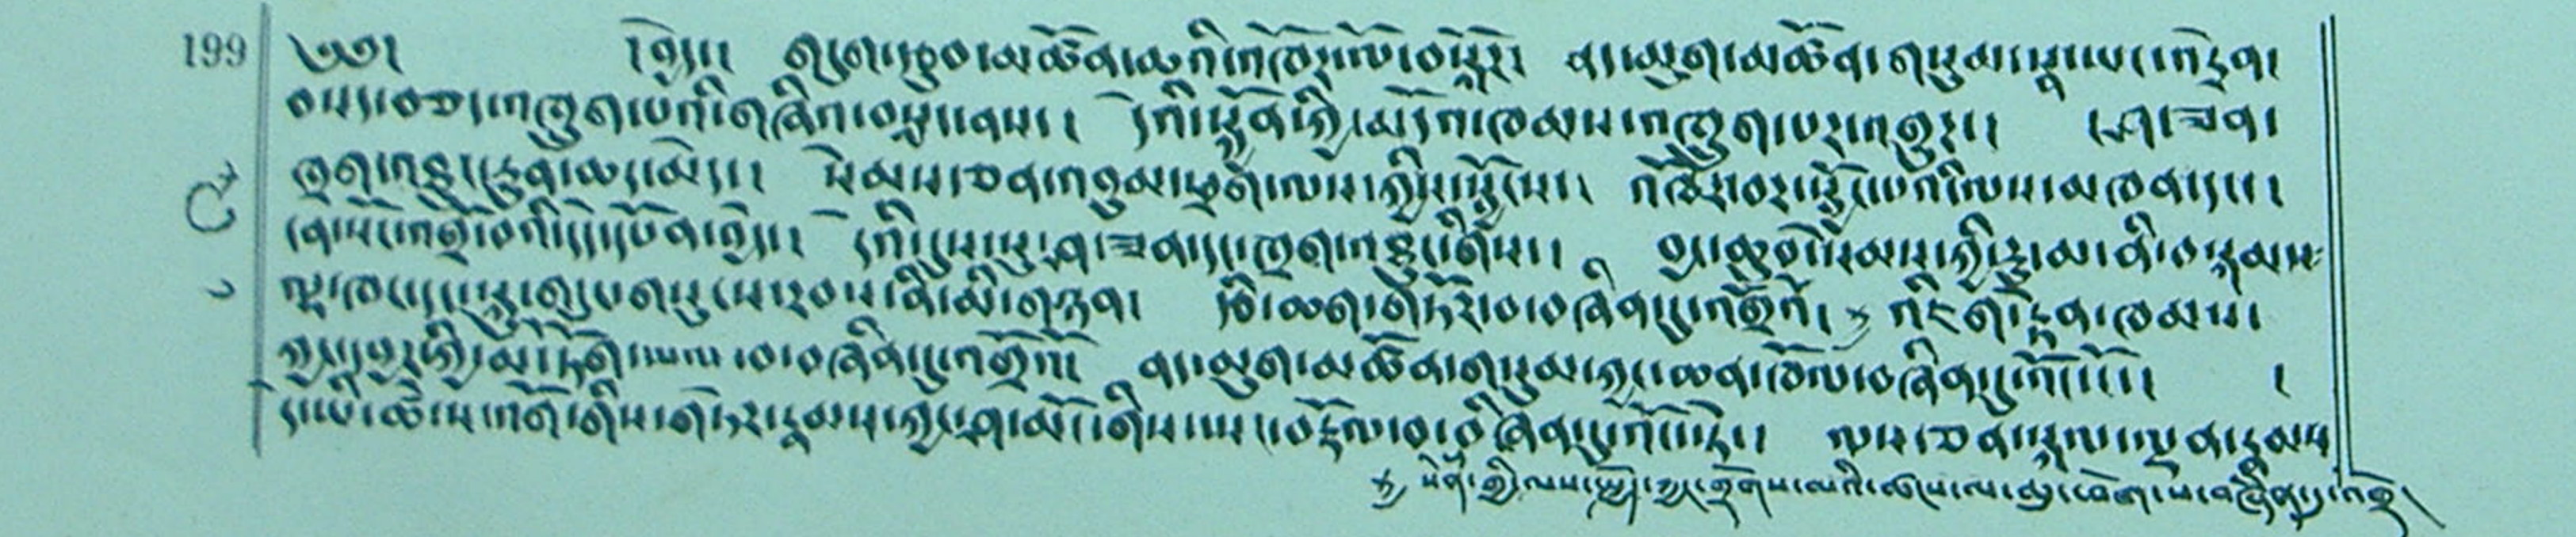༄༅། །བྱེད། གདུག་རྩུབ་མཚོན་ཆའི་འཁོར་ལོ་བསྐོར། ནད་མུག་མཚོན་གསུམ་སྣ་ཡང་འདྲེན། 
བསད་བཅད་འཁྲུག་པའི་གཞི་བསླང་ནས། དེའི་སྐྱོན་གྱིས་མདོ་ཁམས་འཁྲུག་པར་འགྱུར། ཤ་ཟན་
ཁྲག་འཐུང་རྒྱུན་ཆད་མེད། སེམས་ཅན་འབུམ་ཕྲག་ལས་ཀྱིས་སྦྱོང་། འཁོར་བར་སྦྱོང་བའི་ལས་མཁན་དང་།
 ངན་སོང་འགྲོ་བའི་དེད་དཔོན་བྱེད། དེའི་དུས་སུ་ཤ་ཟན་ཁྲག་འཐུང་གིས། བྱང་ཆུབ་སེམས་ཀྱིས་རུ་མ་ནི་སྐམས། 
ལྷ་ཁང་དང་སྐུ་གདུང་གསུང་རབ་ནི་མི་གཉན། རྩི་ཆག་གཏོར་བ་བཞིན་དུ་འགྲོའོ། །སེམས་ཅན་གྱི་ལས་སྤྱོད་ཀྱང་གྲོགས་མའི་ཚང་ལ་ཆུ་ཕོག་པ་བཞིན་དུ་འགྲོའོ། །འཇིག་རྟེན་གྱི་ཁམས་
ཀྱང་དབྱར་ཁའི་མེ་ཏོག་ཡལ་བ་བཞིན་དུ་འགྲོའོ། །ནད་མུག་མཚོན་གསུམ་ཀྱང་ཆན་ཁོལ་བཞིན་དུ་འོང་ངོ་། 
དེའི་ཚེ་ས་འོག་གི་གཏེར་རྣམས་ཀྱང་ཤ་མོང་གིས་སྤང་བརྡོལ་བ་བཞིན་དུ་འོང་སྟེ། ལས་ཅན་སྐལ་ལྡན་རྣམས་